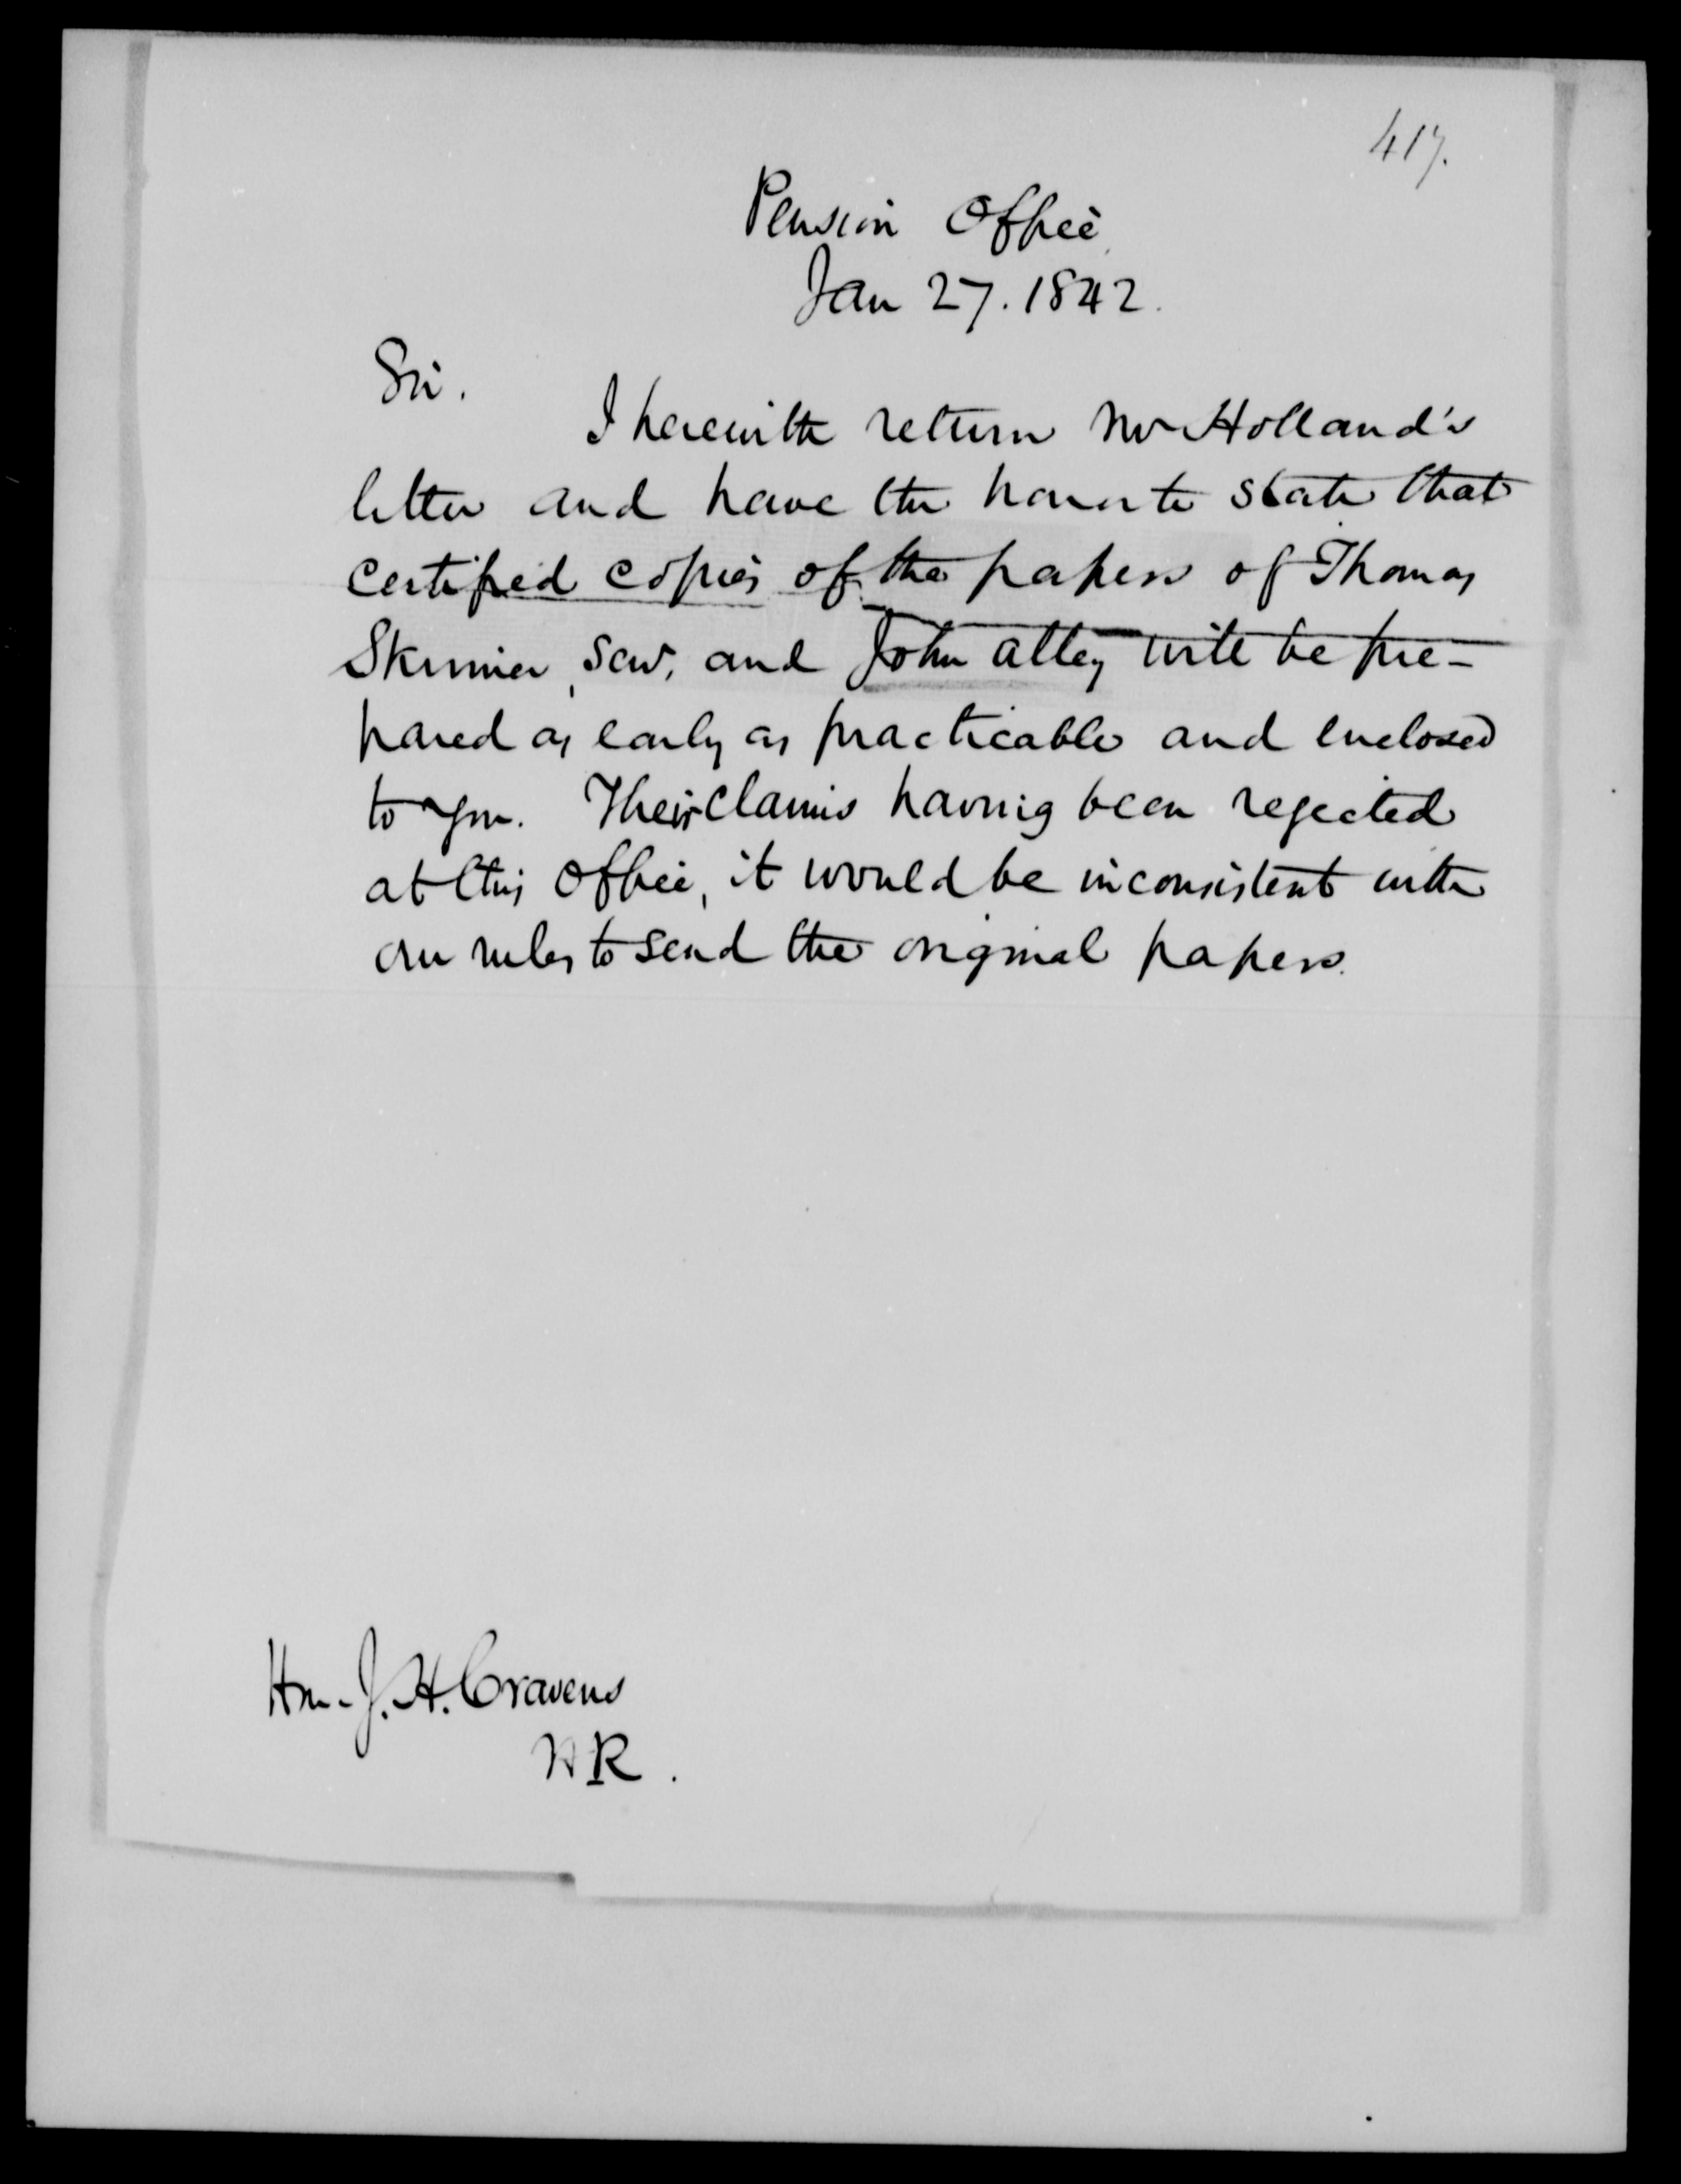417

Pension Office
Jan 27. 1842.
Sir,
I herewith return Mr. Holland's letter and have the honor to state that certified copies of the papers of Thomas Skinner Sen., and John Alley will be pre-pared as early as practicable and enclosed to you. Their claims having been rejected at this office, it would be inconsistent with our rules to send the original papers
Hon. J.H. Cravens
HR.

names: Thomas Skinner; John Alley; J H Cravens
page: 19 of 33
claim: rejected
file: R. 9635, for Thomas Skinner, Delaware